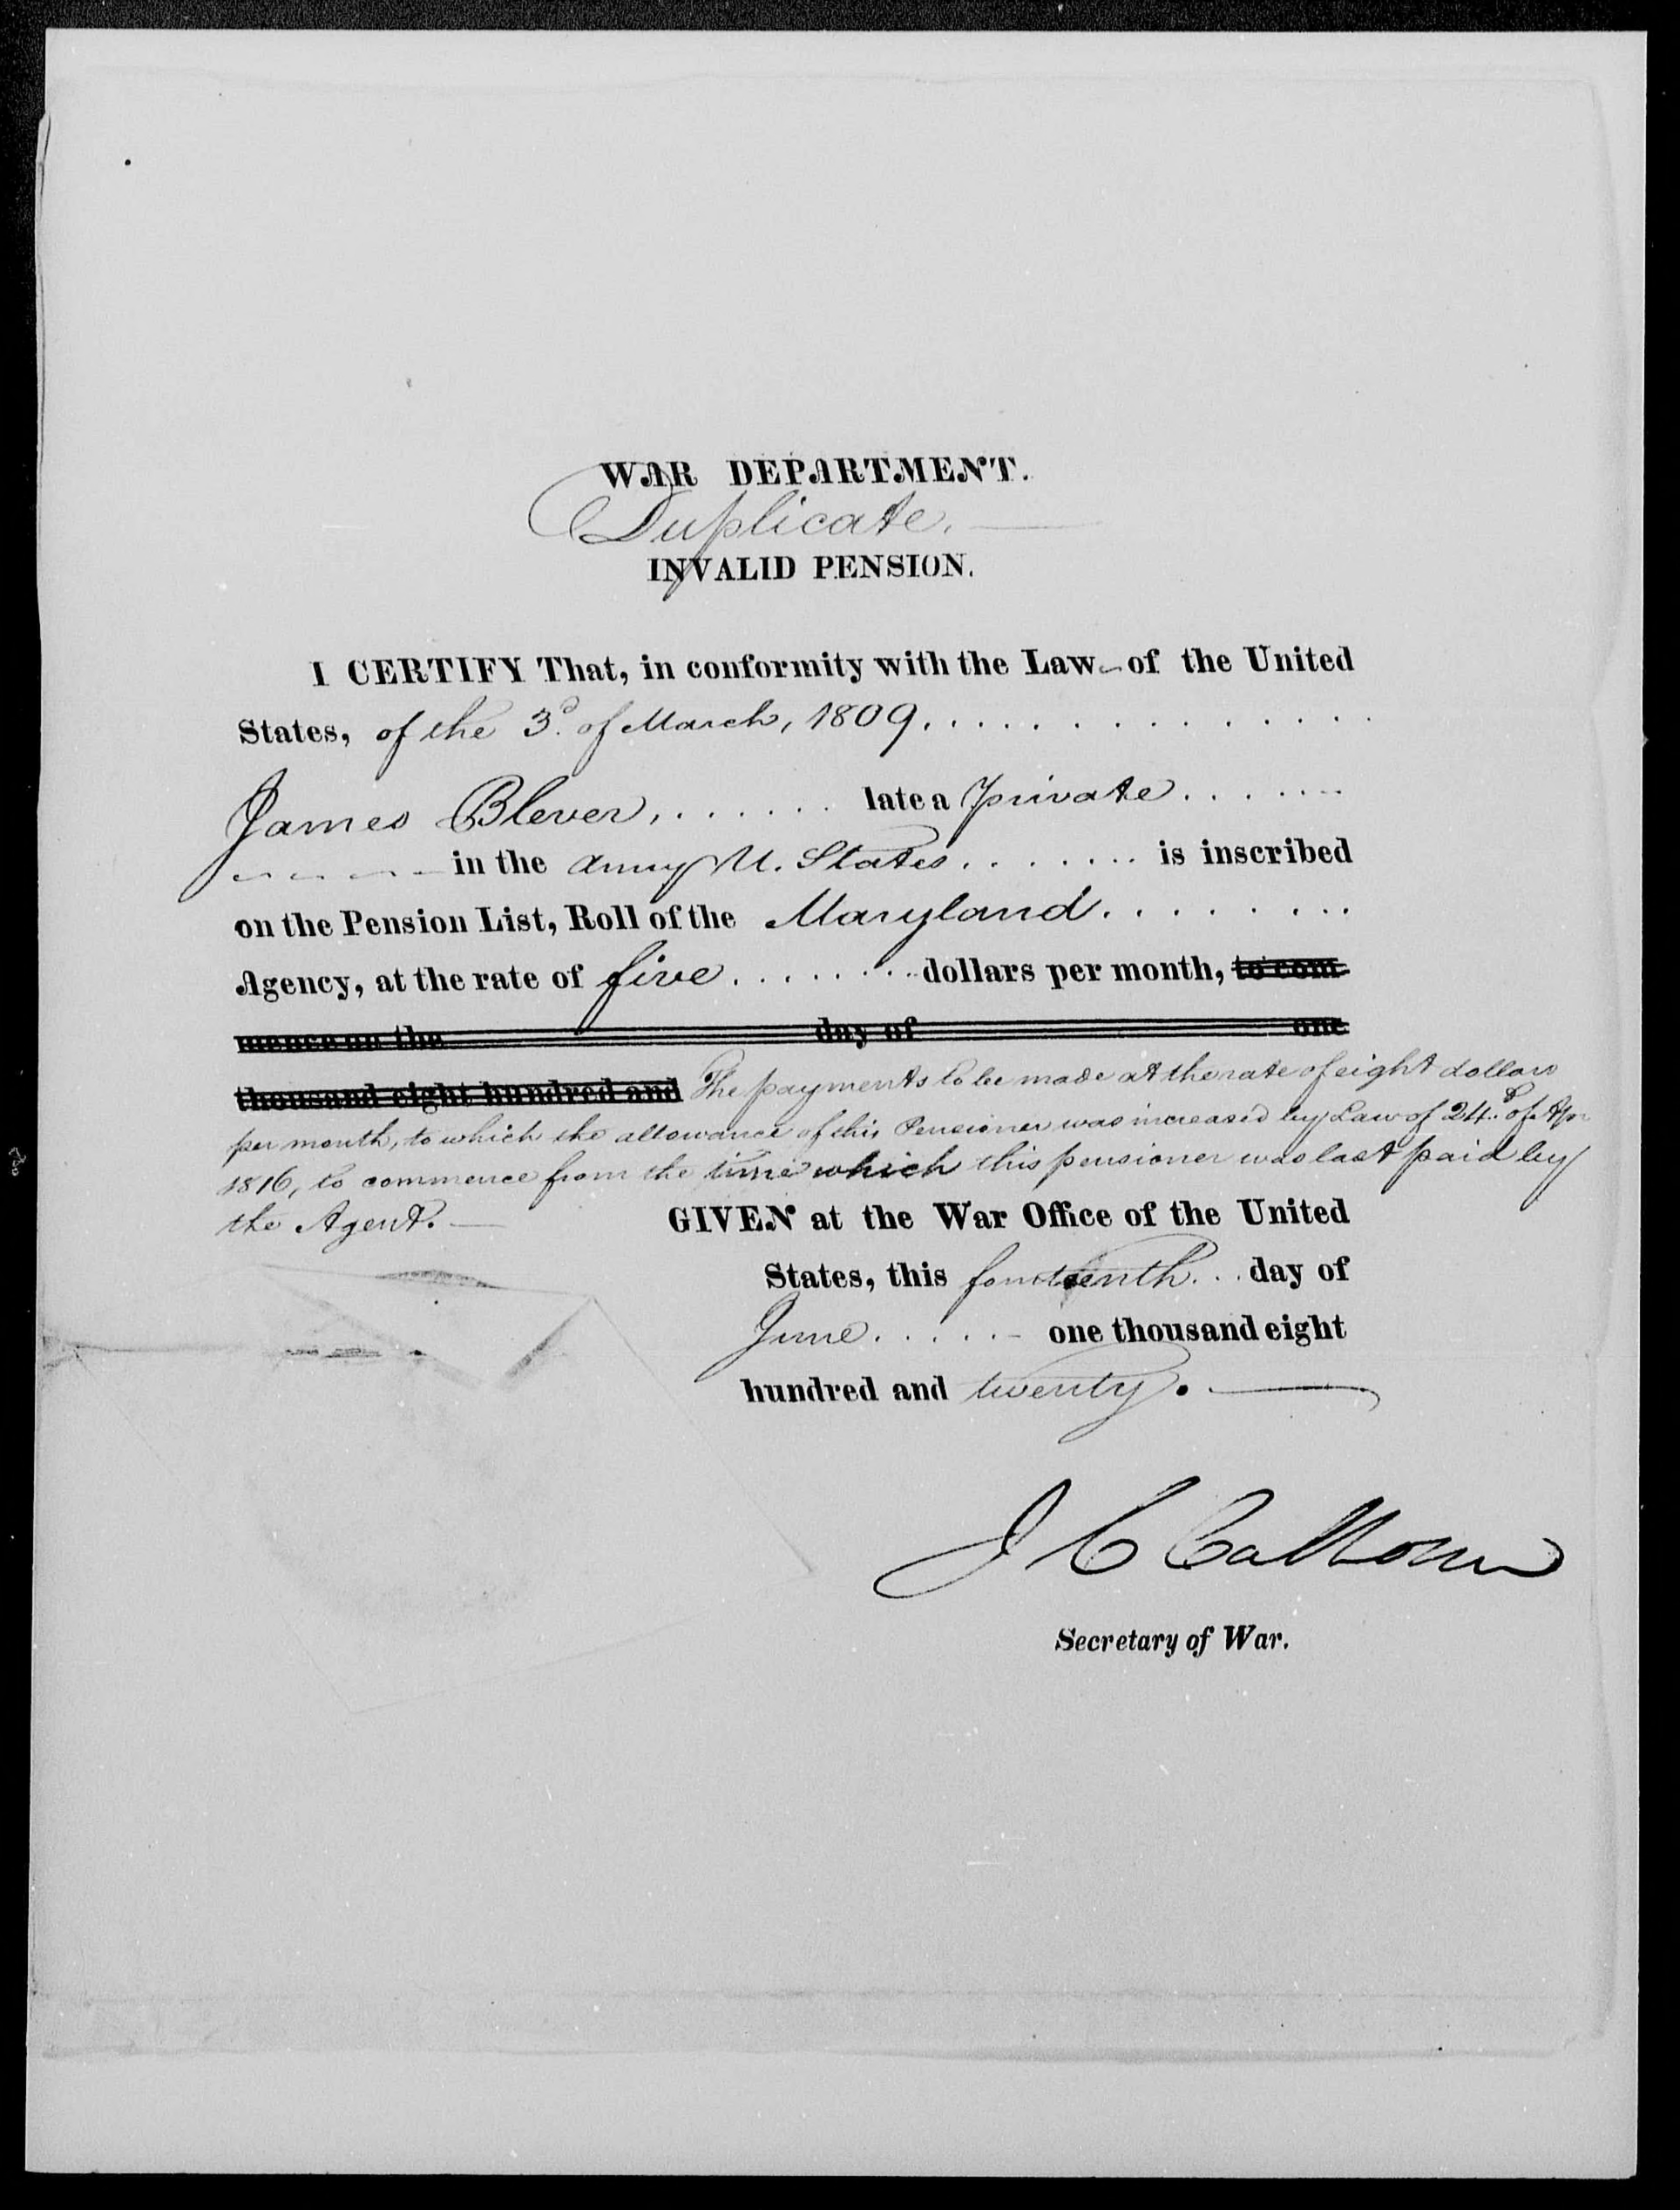WAR DEPARTMENT
Duplicate
INVALID PENSION

I certify that in conformity with the law of the United Staes of the 3rdof March 1809 James Blever late a private in the army U. States is inscribed on the Pension List, Roll of the Maryland Agency at the rate of five dollars per month.

The payments to be made at the rate of eight dollars per month to which the allowance of this pensioner was increased by law of 24th of Apr 1816 to commence from the time which this pensioner was last paid by the Agent.

Given at the war office of the United States this fourteenth day of June one thousand eight hundred and twenty.

J C Calhoun
Secretary of War

SEAL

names: James Blever, J C Calhoun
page: 28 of 30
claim: survivor's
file: S. 10093, James Blewer, Md.